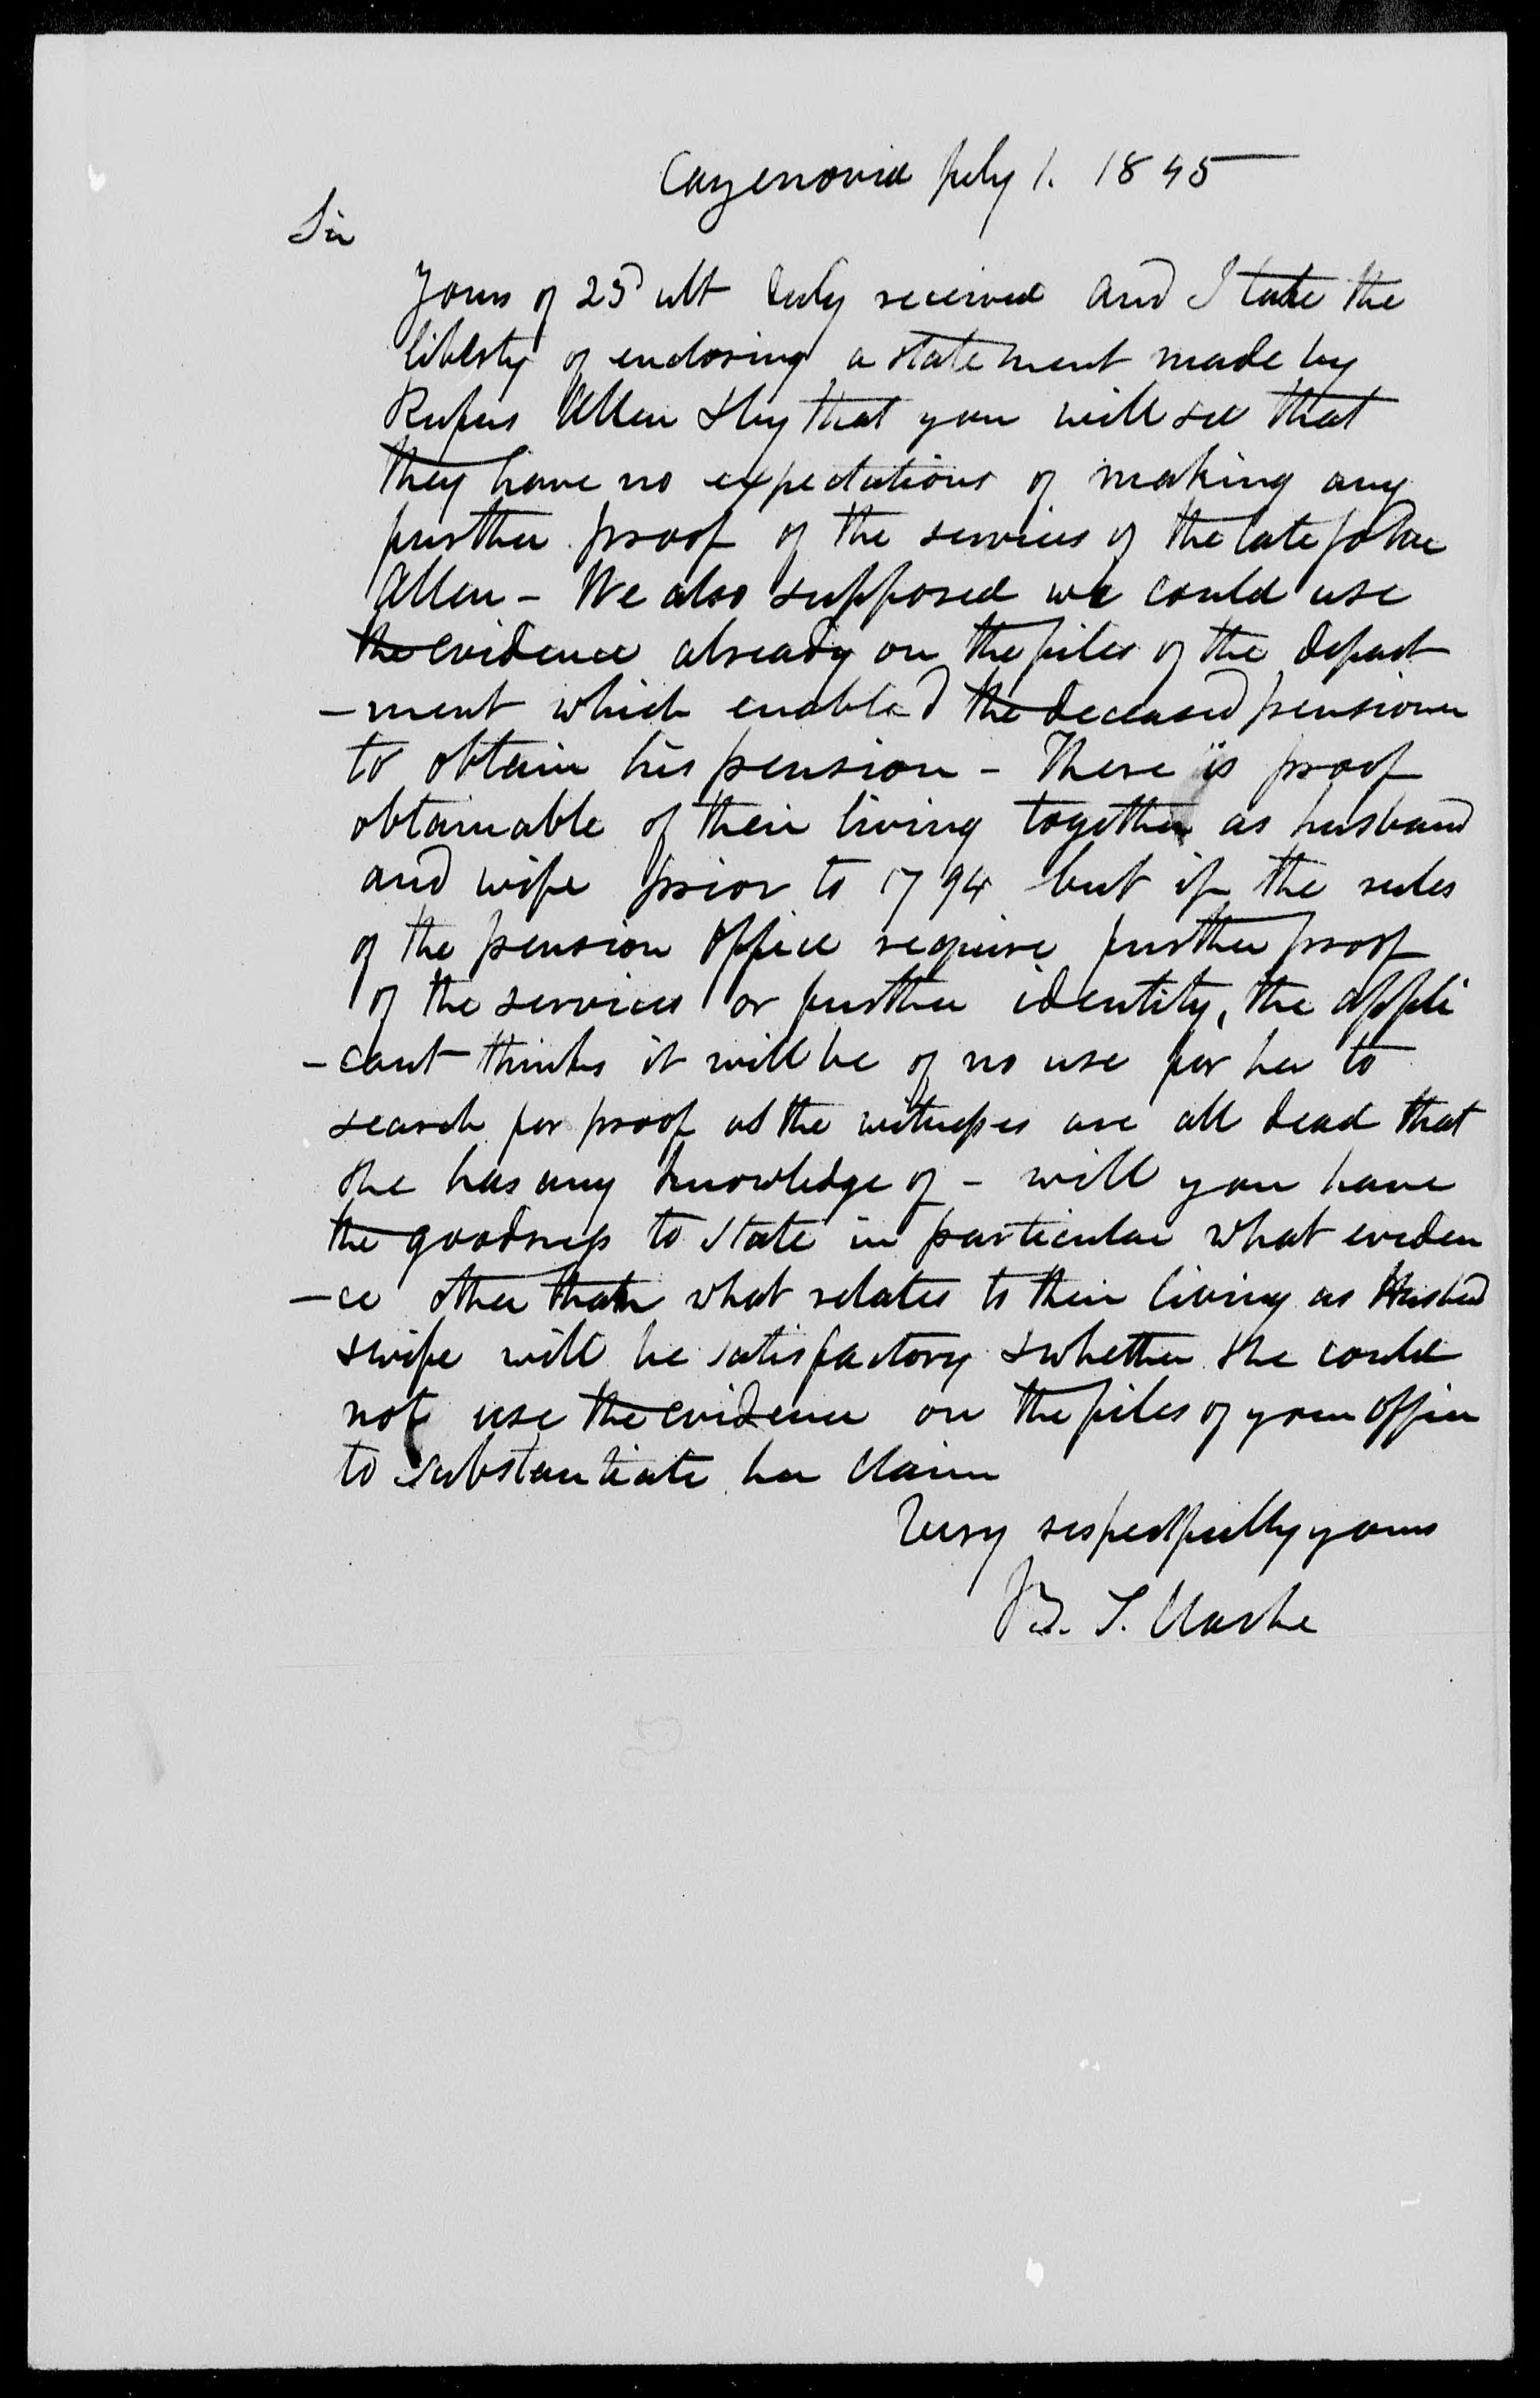Cazenovia July 1, 1845 
Sir
Yours of 25 ult July received and I take the liberty of enclosing a statement made by Rufus Allen & by that you will see that they have no expectations of making any further proof of the services of the late John Allen - We also supposed we could use the evidence already on the files of the department which enabled the deceased pensioner to obtain his pension. There is proof obtainable of their living together as husband and wife prior to 1794. but if the rules of the pension office require further proof of the services or further identity, the applicant thinks it will be of no use for her to search for proof as the witnesses are all dead that one has any knowledge of - will you have the goodness to State in particular what evidence other than what relates to their living as Husband & wife will be satisfactory & whether she could not use the evidence on the files of your office to substantiate her claim 
Very respectfully yours 
B. T. Clarke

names: John Allen, B T Clarke, Rufus Allen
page: 54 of 74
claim: widow's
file: W. 23424, John Allen, Mass. R. I.